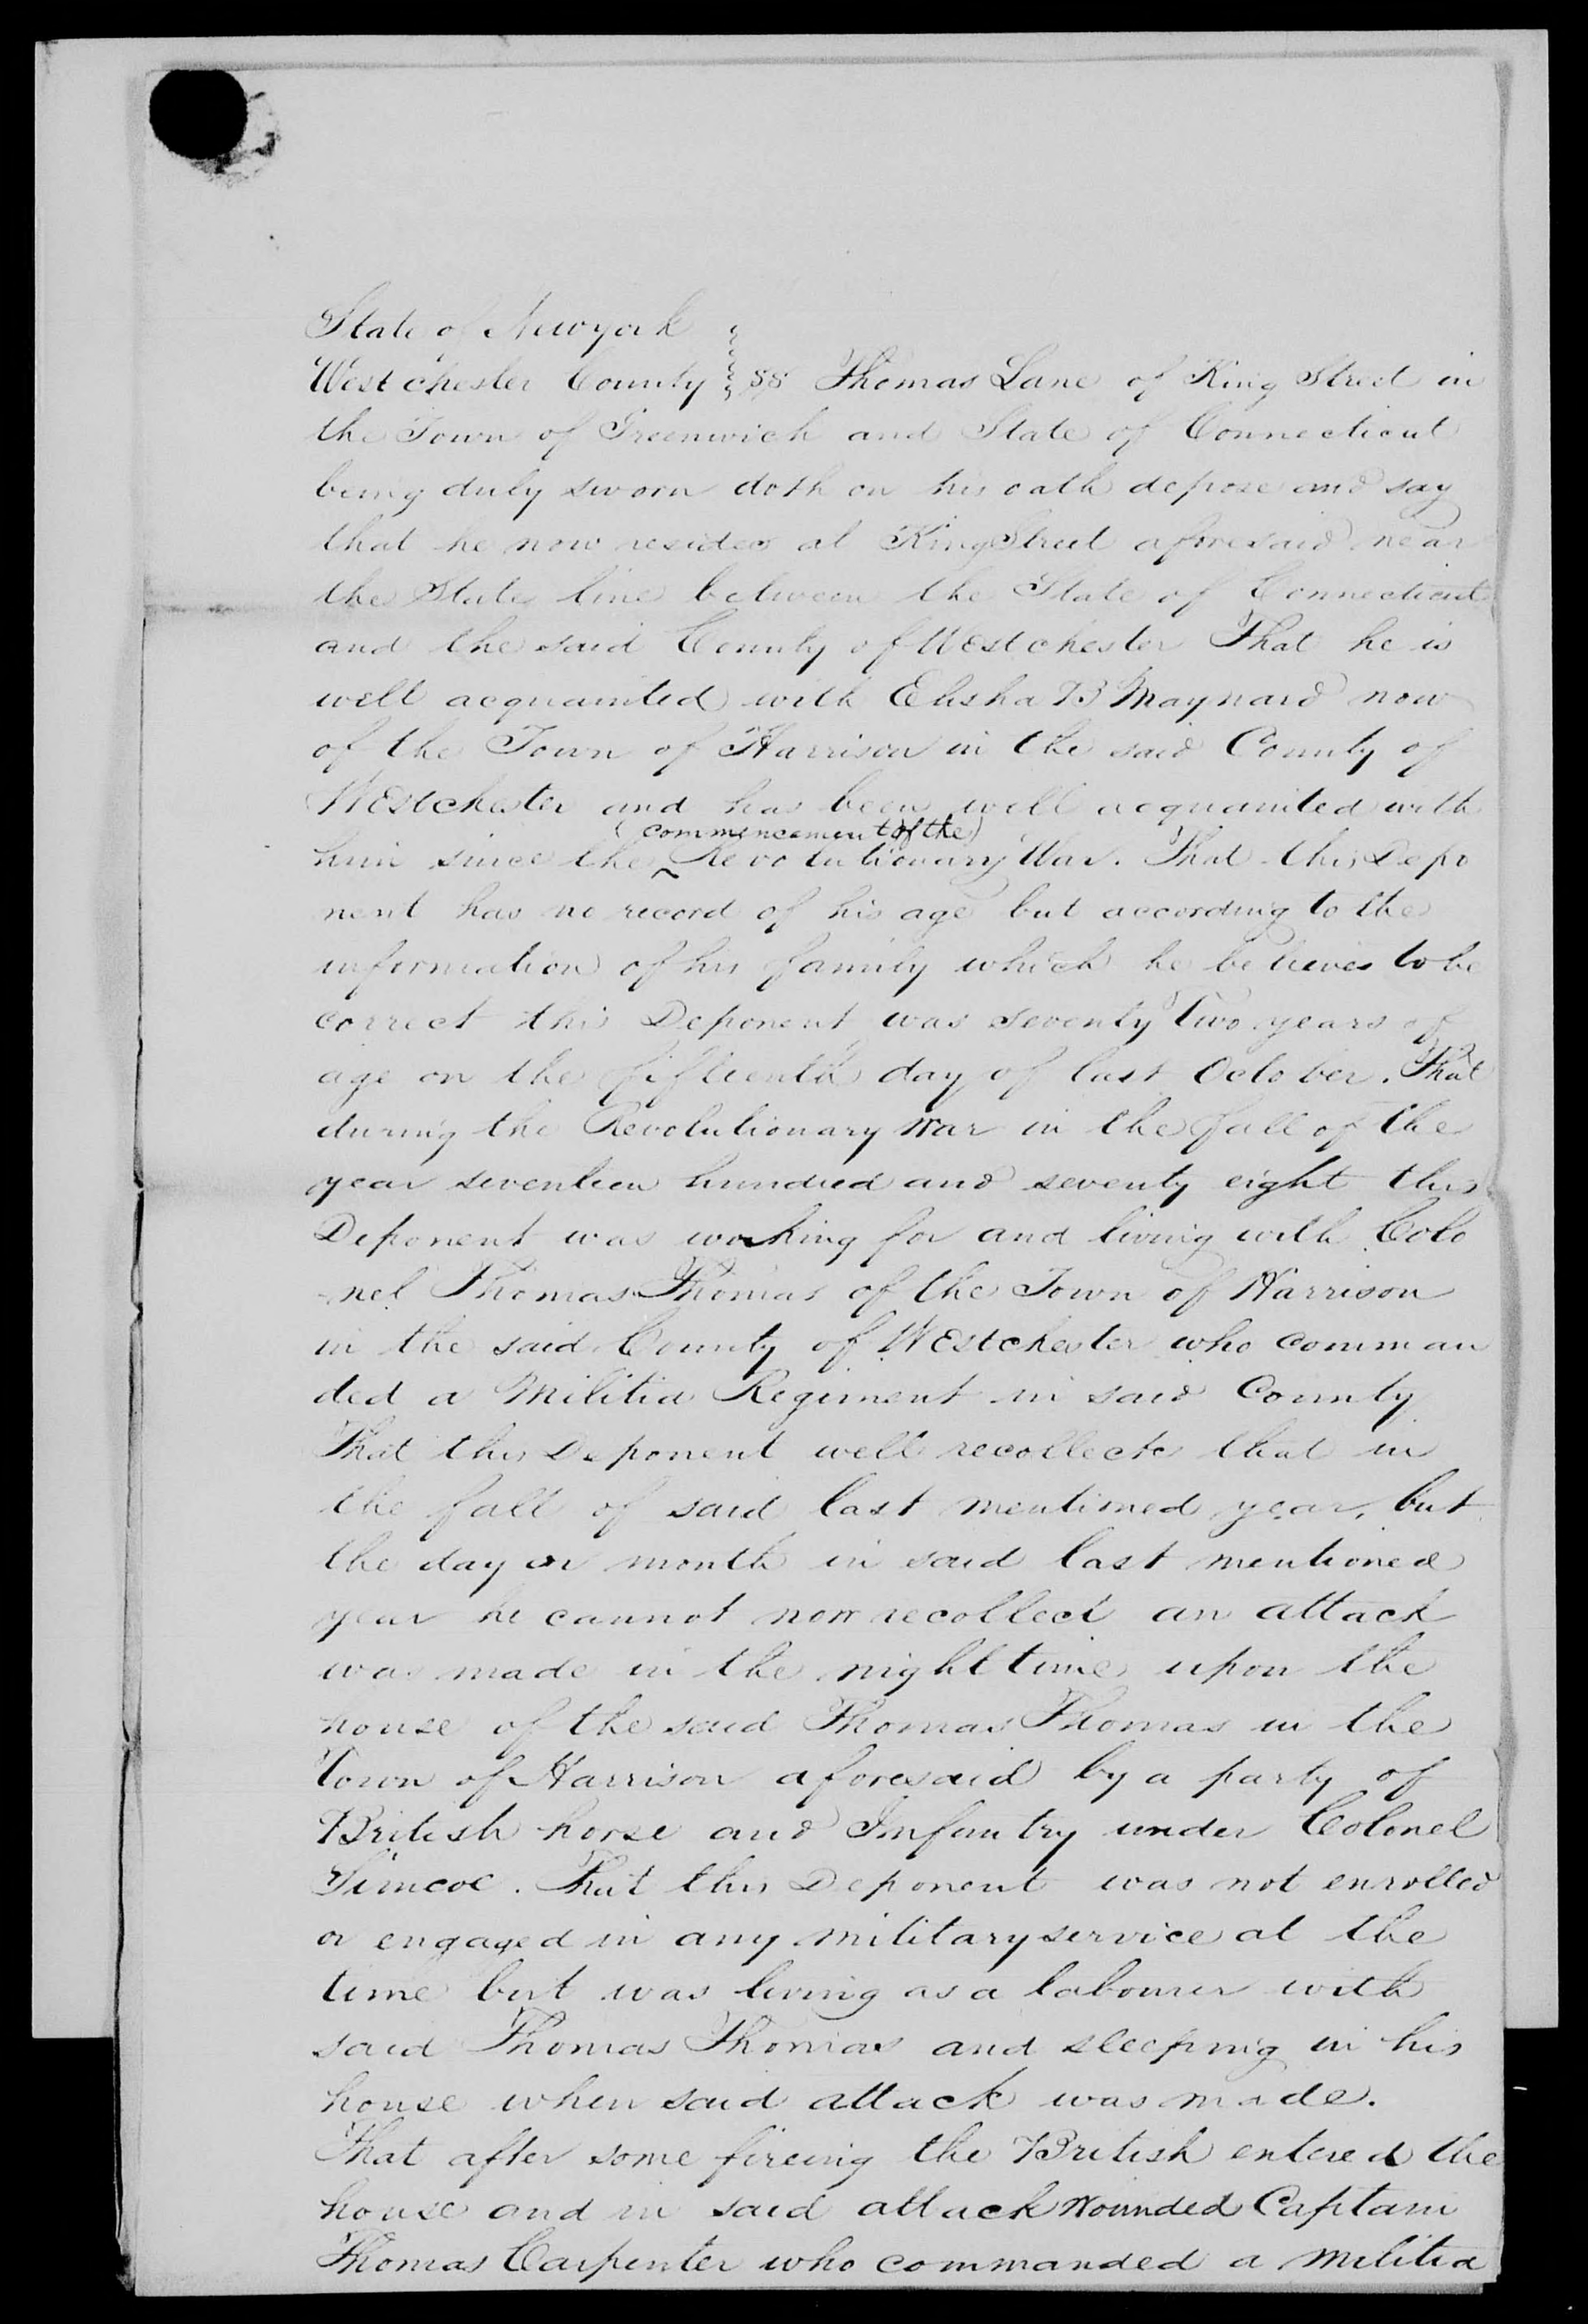State of Newyork} 
Westchester County} ss.  Thomas Lane of King Street in the Town of Greenwich and State of Connecticut being duly sworn doth on his oath depose and say that he now resides at King Street aforesaid near the State line between the State of Connecticut and the said County of Westchester. That he is well acquainted with Elisha B. Maynard now of the Town of Harrison in the said County of Westchester and has been well acquainted with him since the ^commencement of the Revolutionary War. That this Deponent has no record of his age but according to the information of his family which he believes to be correct this Deponent was seventy Two years of age on the fifteenth day of last October. That during the Revolutionary War in the fall of the year seventeen hundred and seventy eight this Deponent was working for and living with Colonel Thomas Thomas of the Town of Harrison in the said County of Westchester who commanded a Militia Regiment in said County. That this Deponent well recollects that in the fall of said last mentioned year, but the day or month in said last mentioned year he cannot now recollect an attack was made in the night time upon the house of the said Thomas Thomas in the Town of Harrison aforesaid by a party of British horse and Infantry under Colonel Simcoe. That this Deponent was not enrolled or engaged in any military service at the time but was living as a labourer with said Thomas Thomas and sleeping in his house when said attack was made. That after some fireing [sic] the British entered the house and in said attack Wounded Captain Thomas Carpenter who commanded a militia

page: 26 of 33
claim: rejected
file: R. 7,063, for Elisha B Maynard, New York